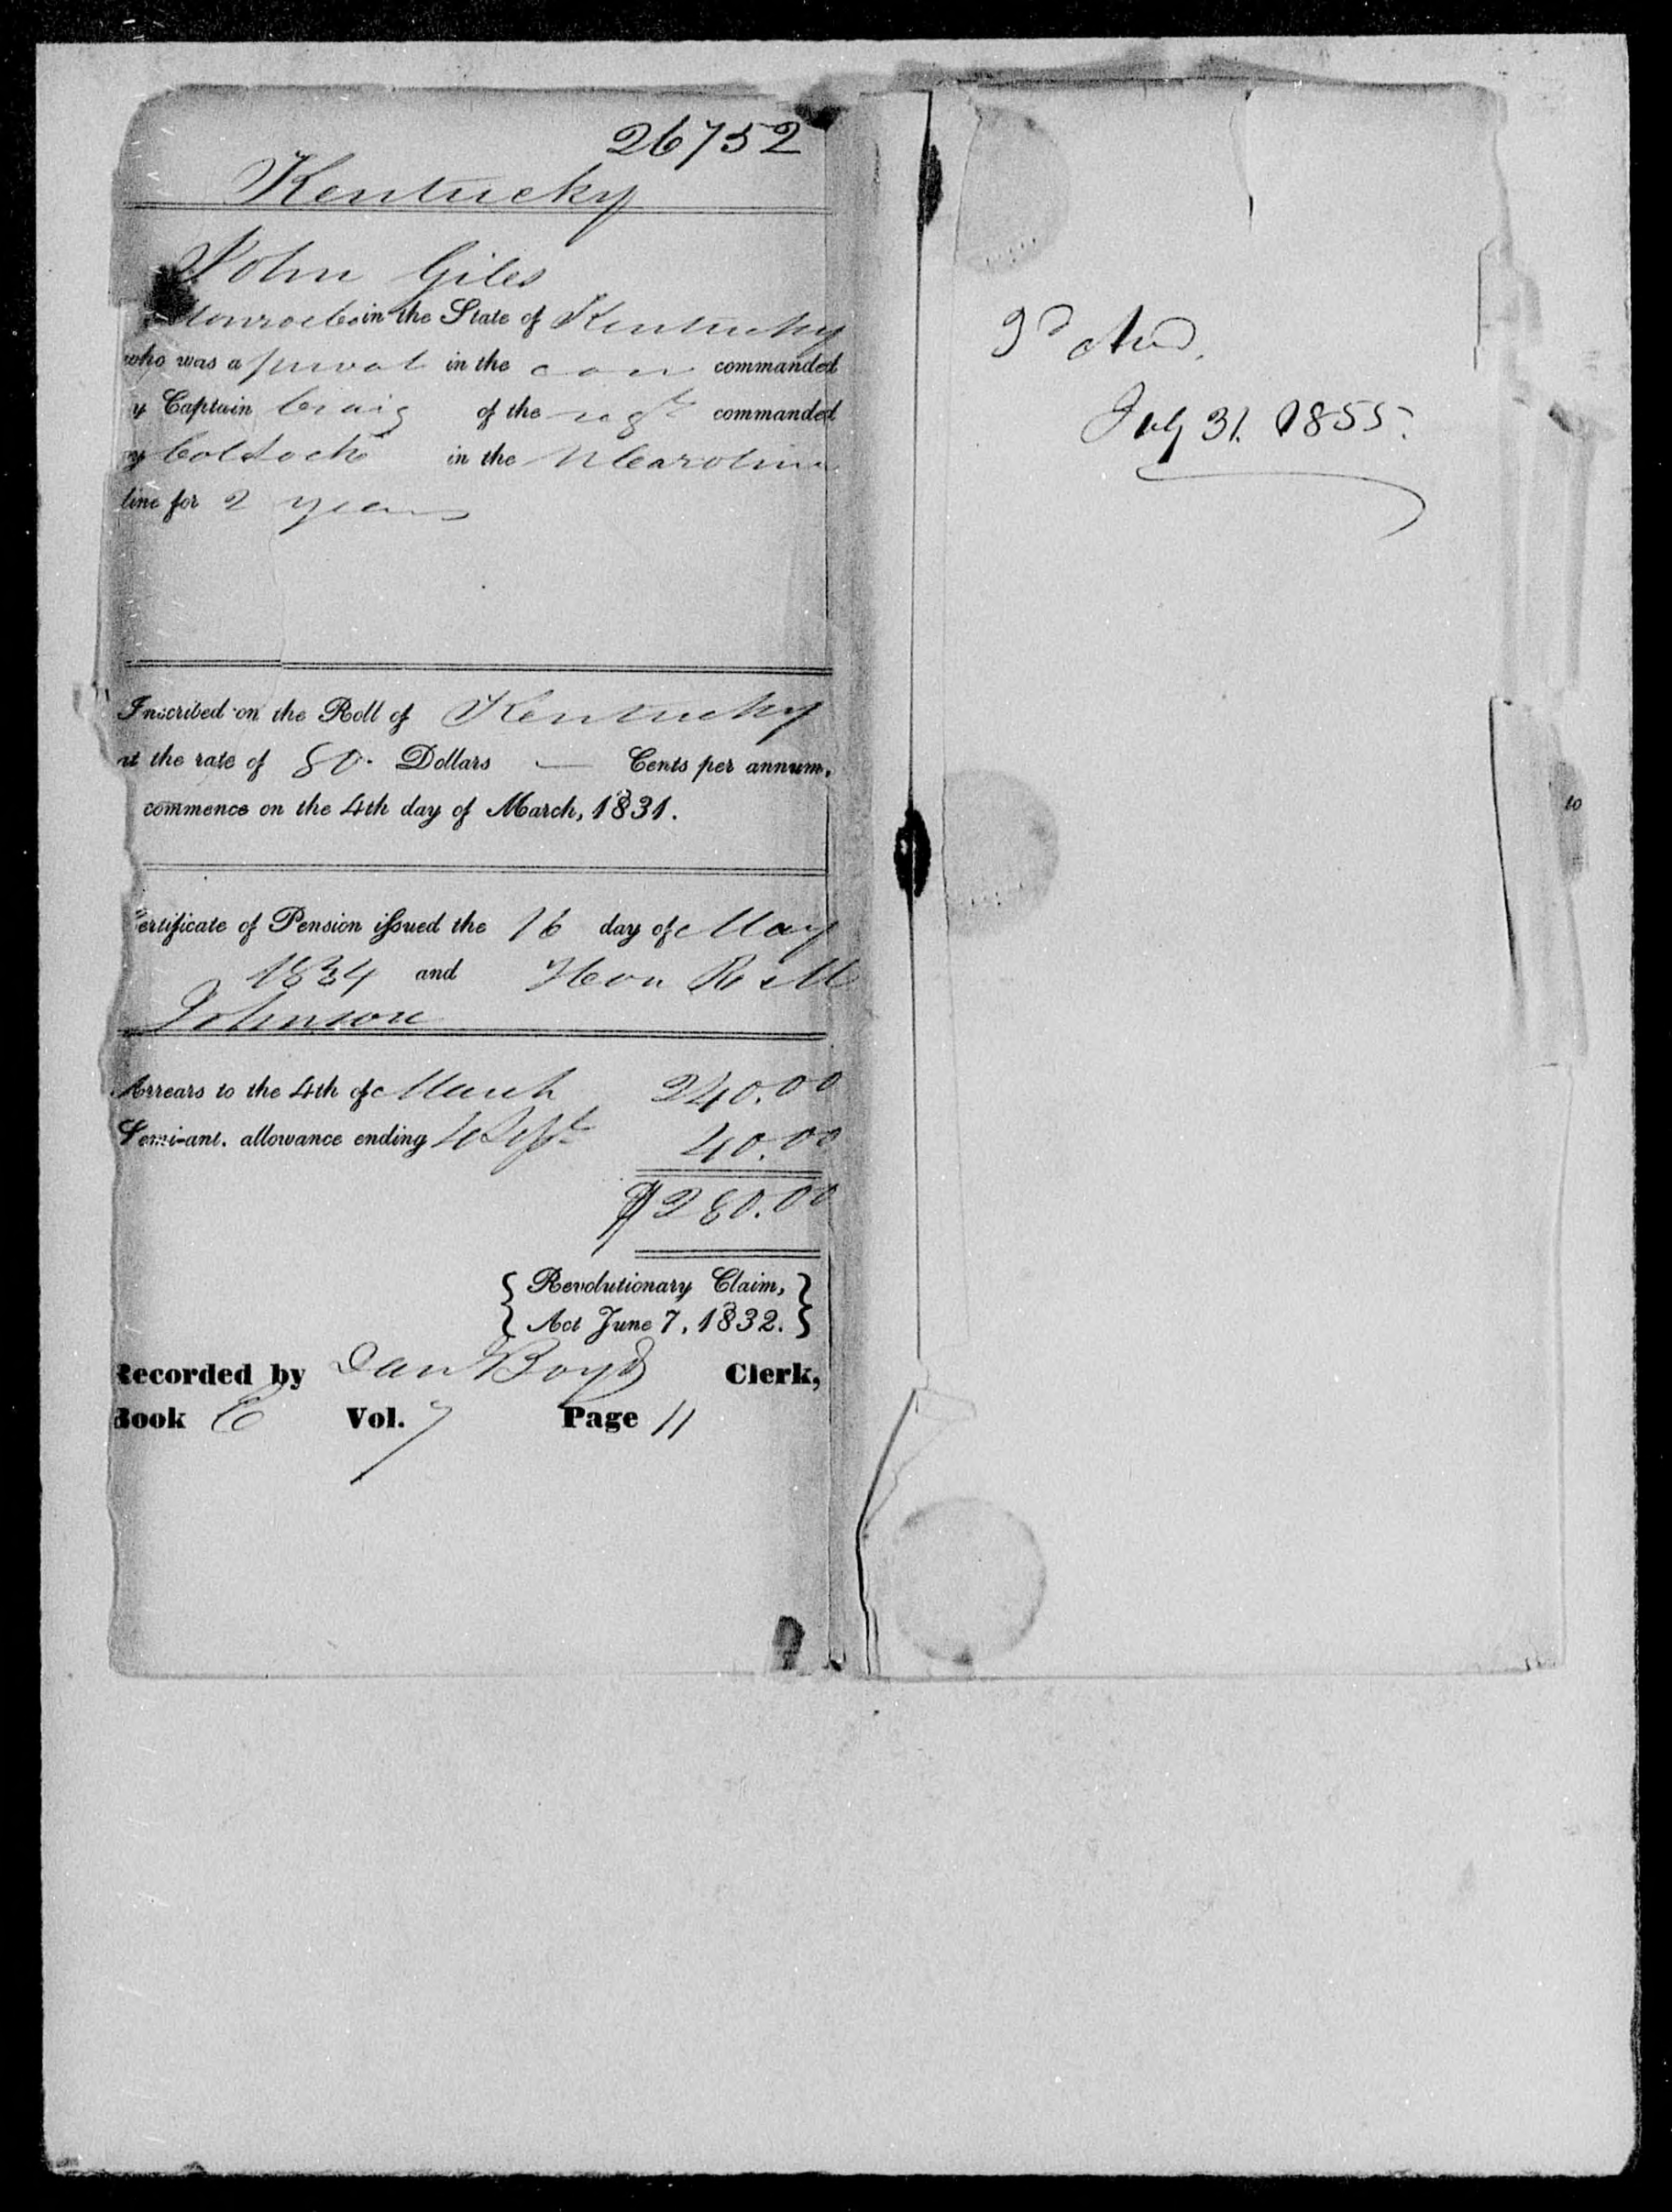26752
Kentucky
John Giles
[illegible] in the State of Kentucky
who was a private in the [illegible] commanded
Captain Craig of the regt commanded
Col Locke in the N Carolina
line for 2 years

Inscribed on the Roll of Kentucky
the rate of 80 Dollars - Cents per annum
commence on the 4th day of March, 1831.

Certificate of Pension issued the 16 day of May
1834 and Hon RM Johnson

Arrears to the 4th of March 240.00
Semi-anl. allowance ending 4 Sept 40.00
$280.00

 Revolutionary Claim,
⎨Act June 7, 1832.}

Recorded by Dan Boyd Clerk,
Book E Vol. 7 Page 11


3rd Aud
July 31. 1855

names: Locke, John Giles, Craig, R M Johnson, Danl Boyd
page: 2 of 82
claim: widow's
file: W. 7,522, John Giles, N.C.